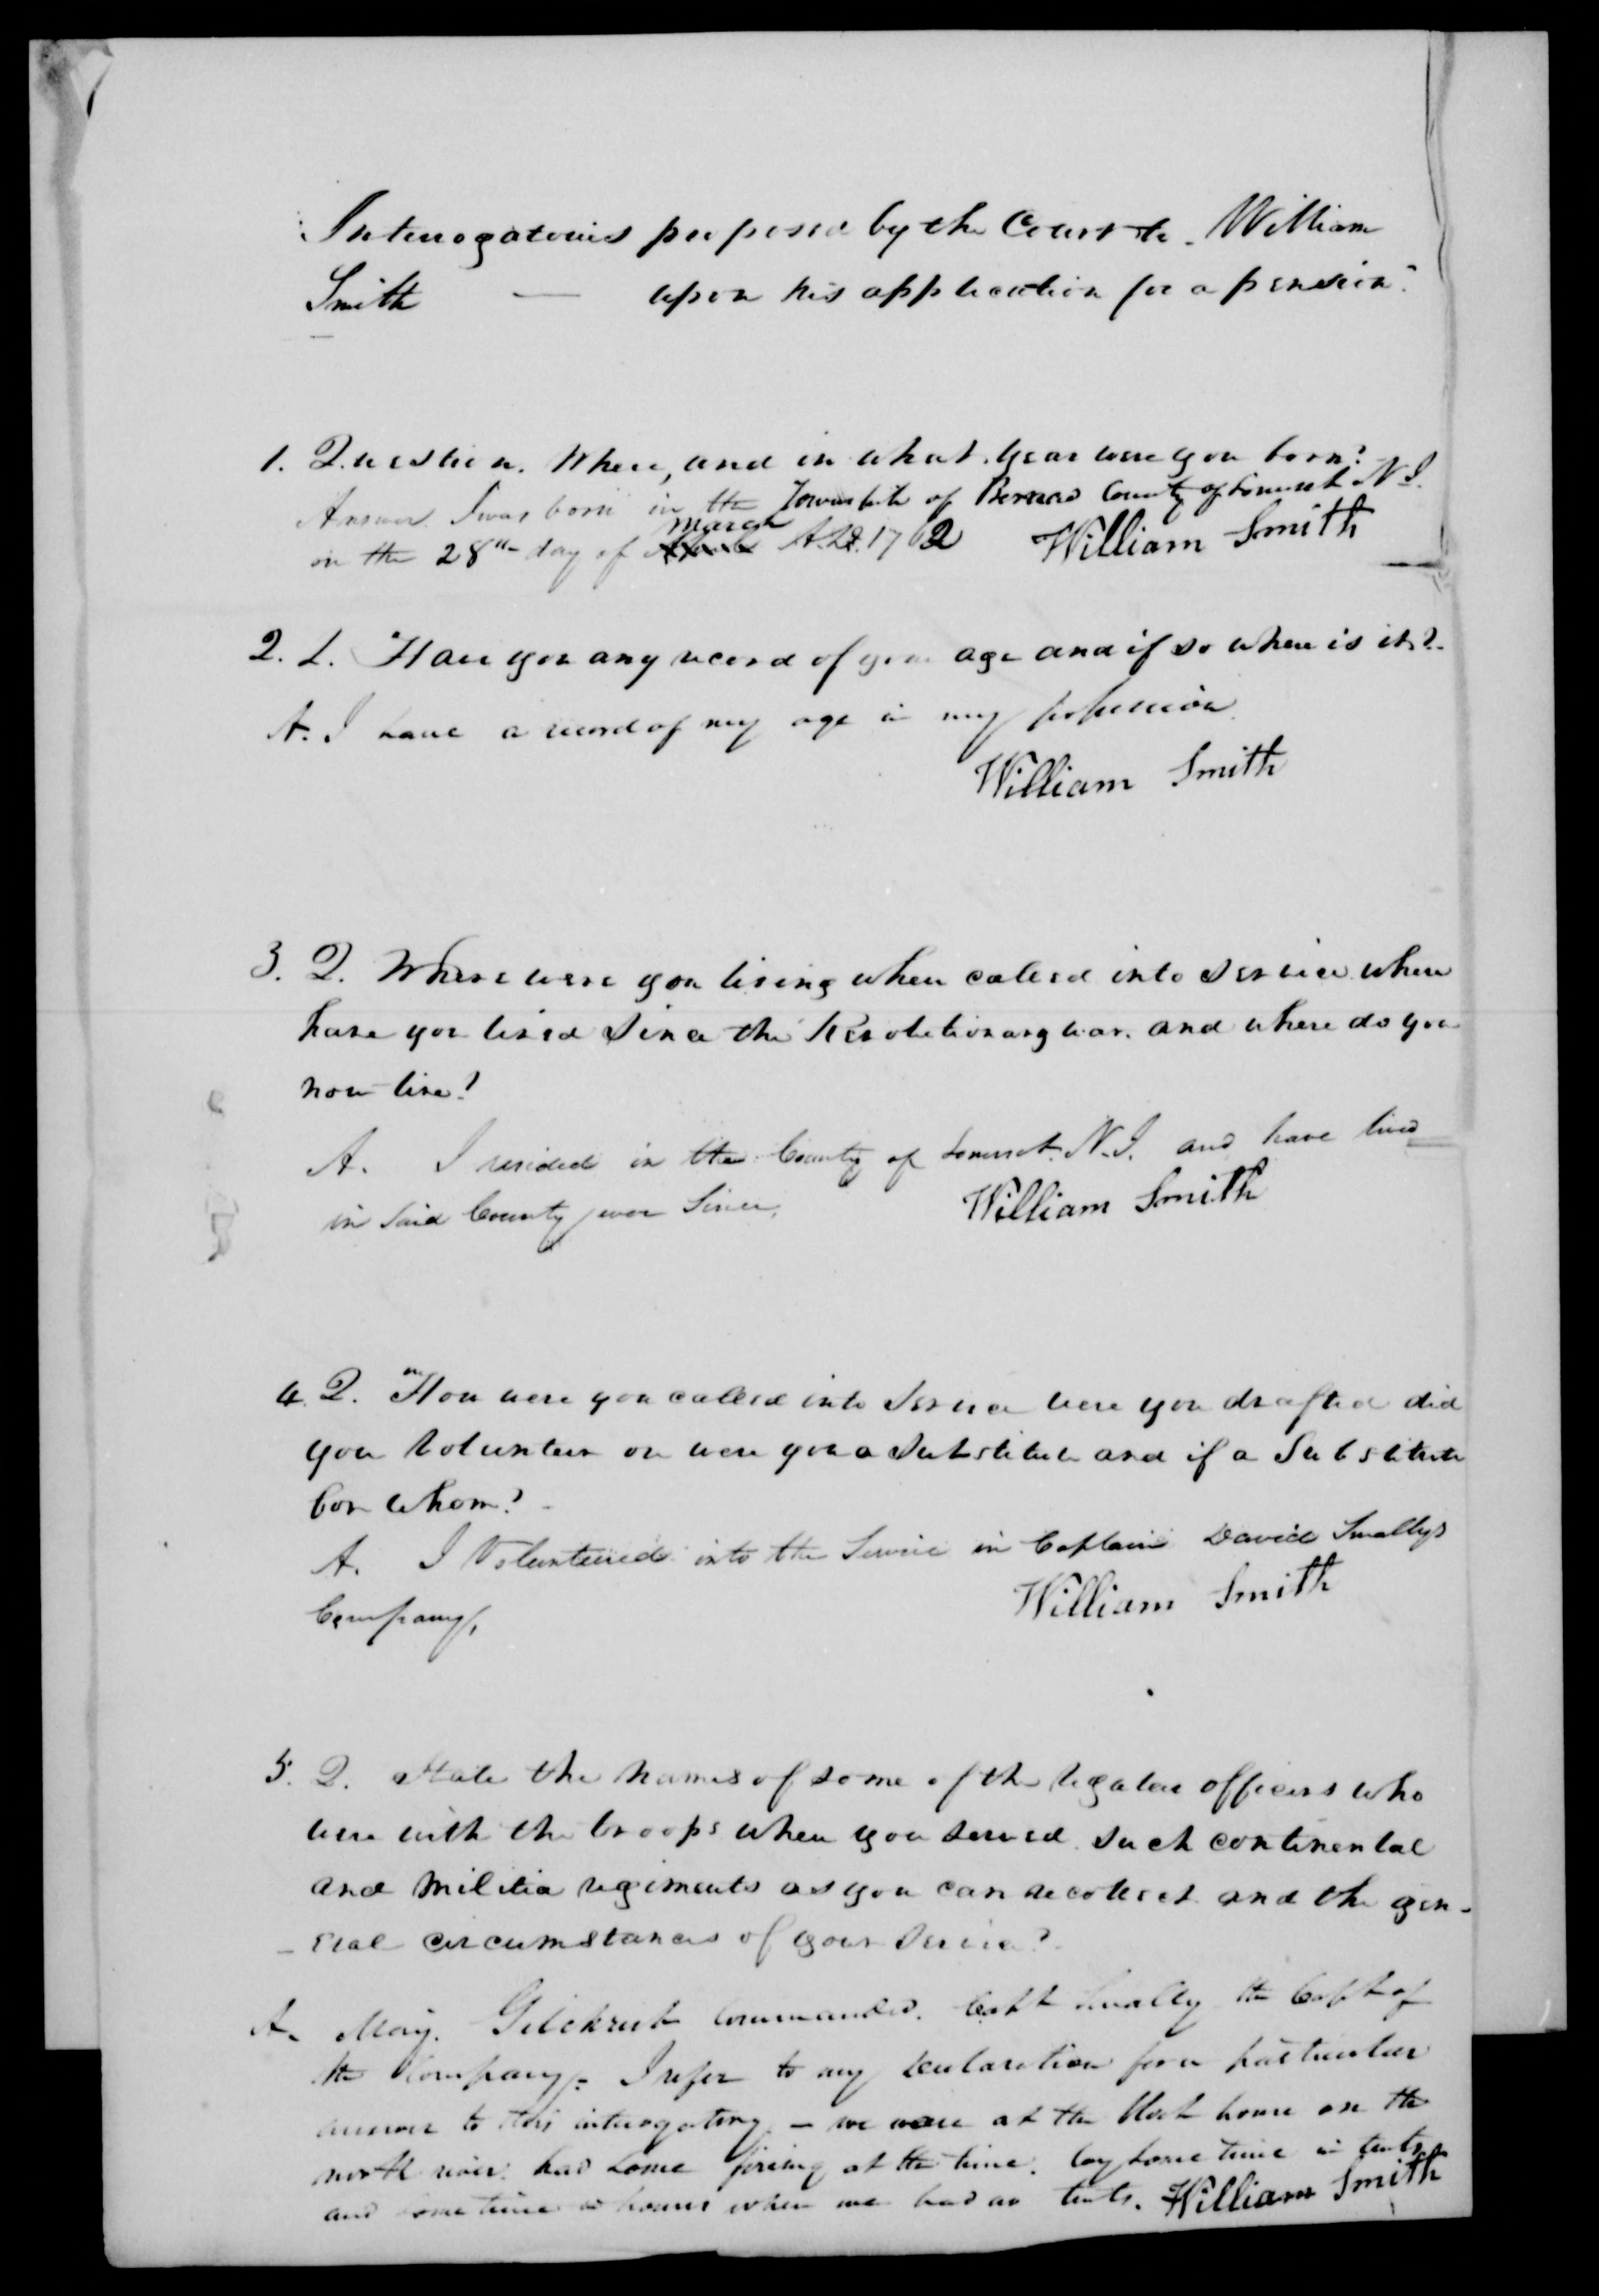Interrogatories proposed by the Court to William Smith--upon his application for a pension.
1. Question. Where and in what year were you born?
Answer I was born in the Township of Bernard County of Someret N.J. on the 28th day of March A.D. 1762
William Smith
2. Have you any record of your age and if so where is it. 
A. I have a record of my age in my possession.
William Smith
3. Where were you living when called into service where have you lived since the Revolutionary war and where do you now live? A. I resided in the County of Somerset N.J. and have lived in said County ever since.
William Smith
4. How were you called into service were you drafted did you volunteer or were you a substitute and if a Substitute for whom?
A. I volunteered into the service in Captain David Smallys Company.
William Smith
5. State the names of some of the regular officers who were with the troops when you served such continental and militia regiments as you can recollect and the general circumstances of your service?
A. Maj. Gilchrist Commanded. Capt Smally the Capt of the Company. I refer to my declaration for a particular answer to the interrogatory-, we were at the Hook house on the North river had some firing at the time, lay some time in tents 
and some time in houses when we had no tents. William Smith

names: May Gilchrist; William Smith; William Smith; William Smith; William Smith; William Smith; William Smith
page: 12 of 27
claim: survivor's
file: S. 915, for William Smith, New Jersey